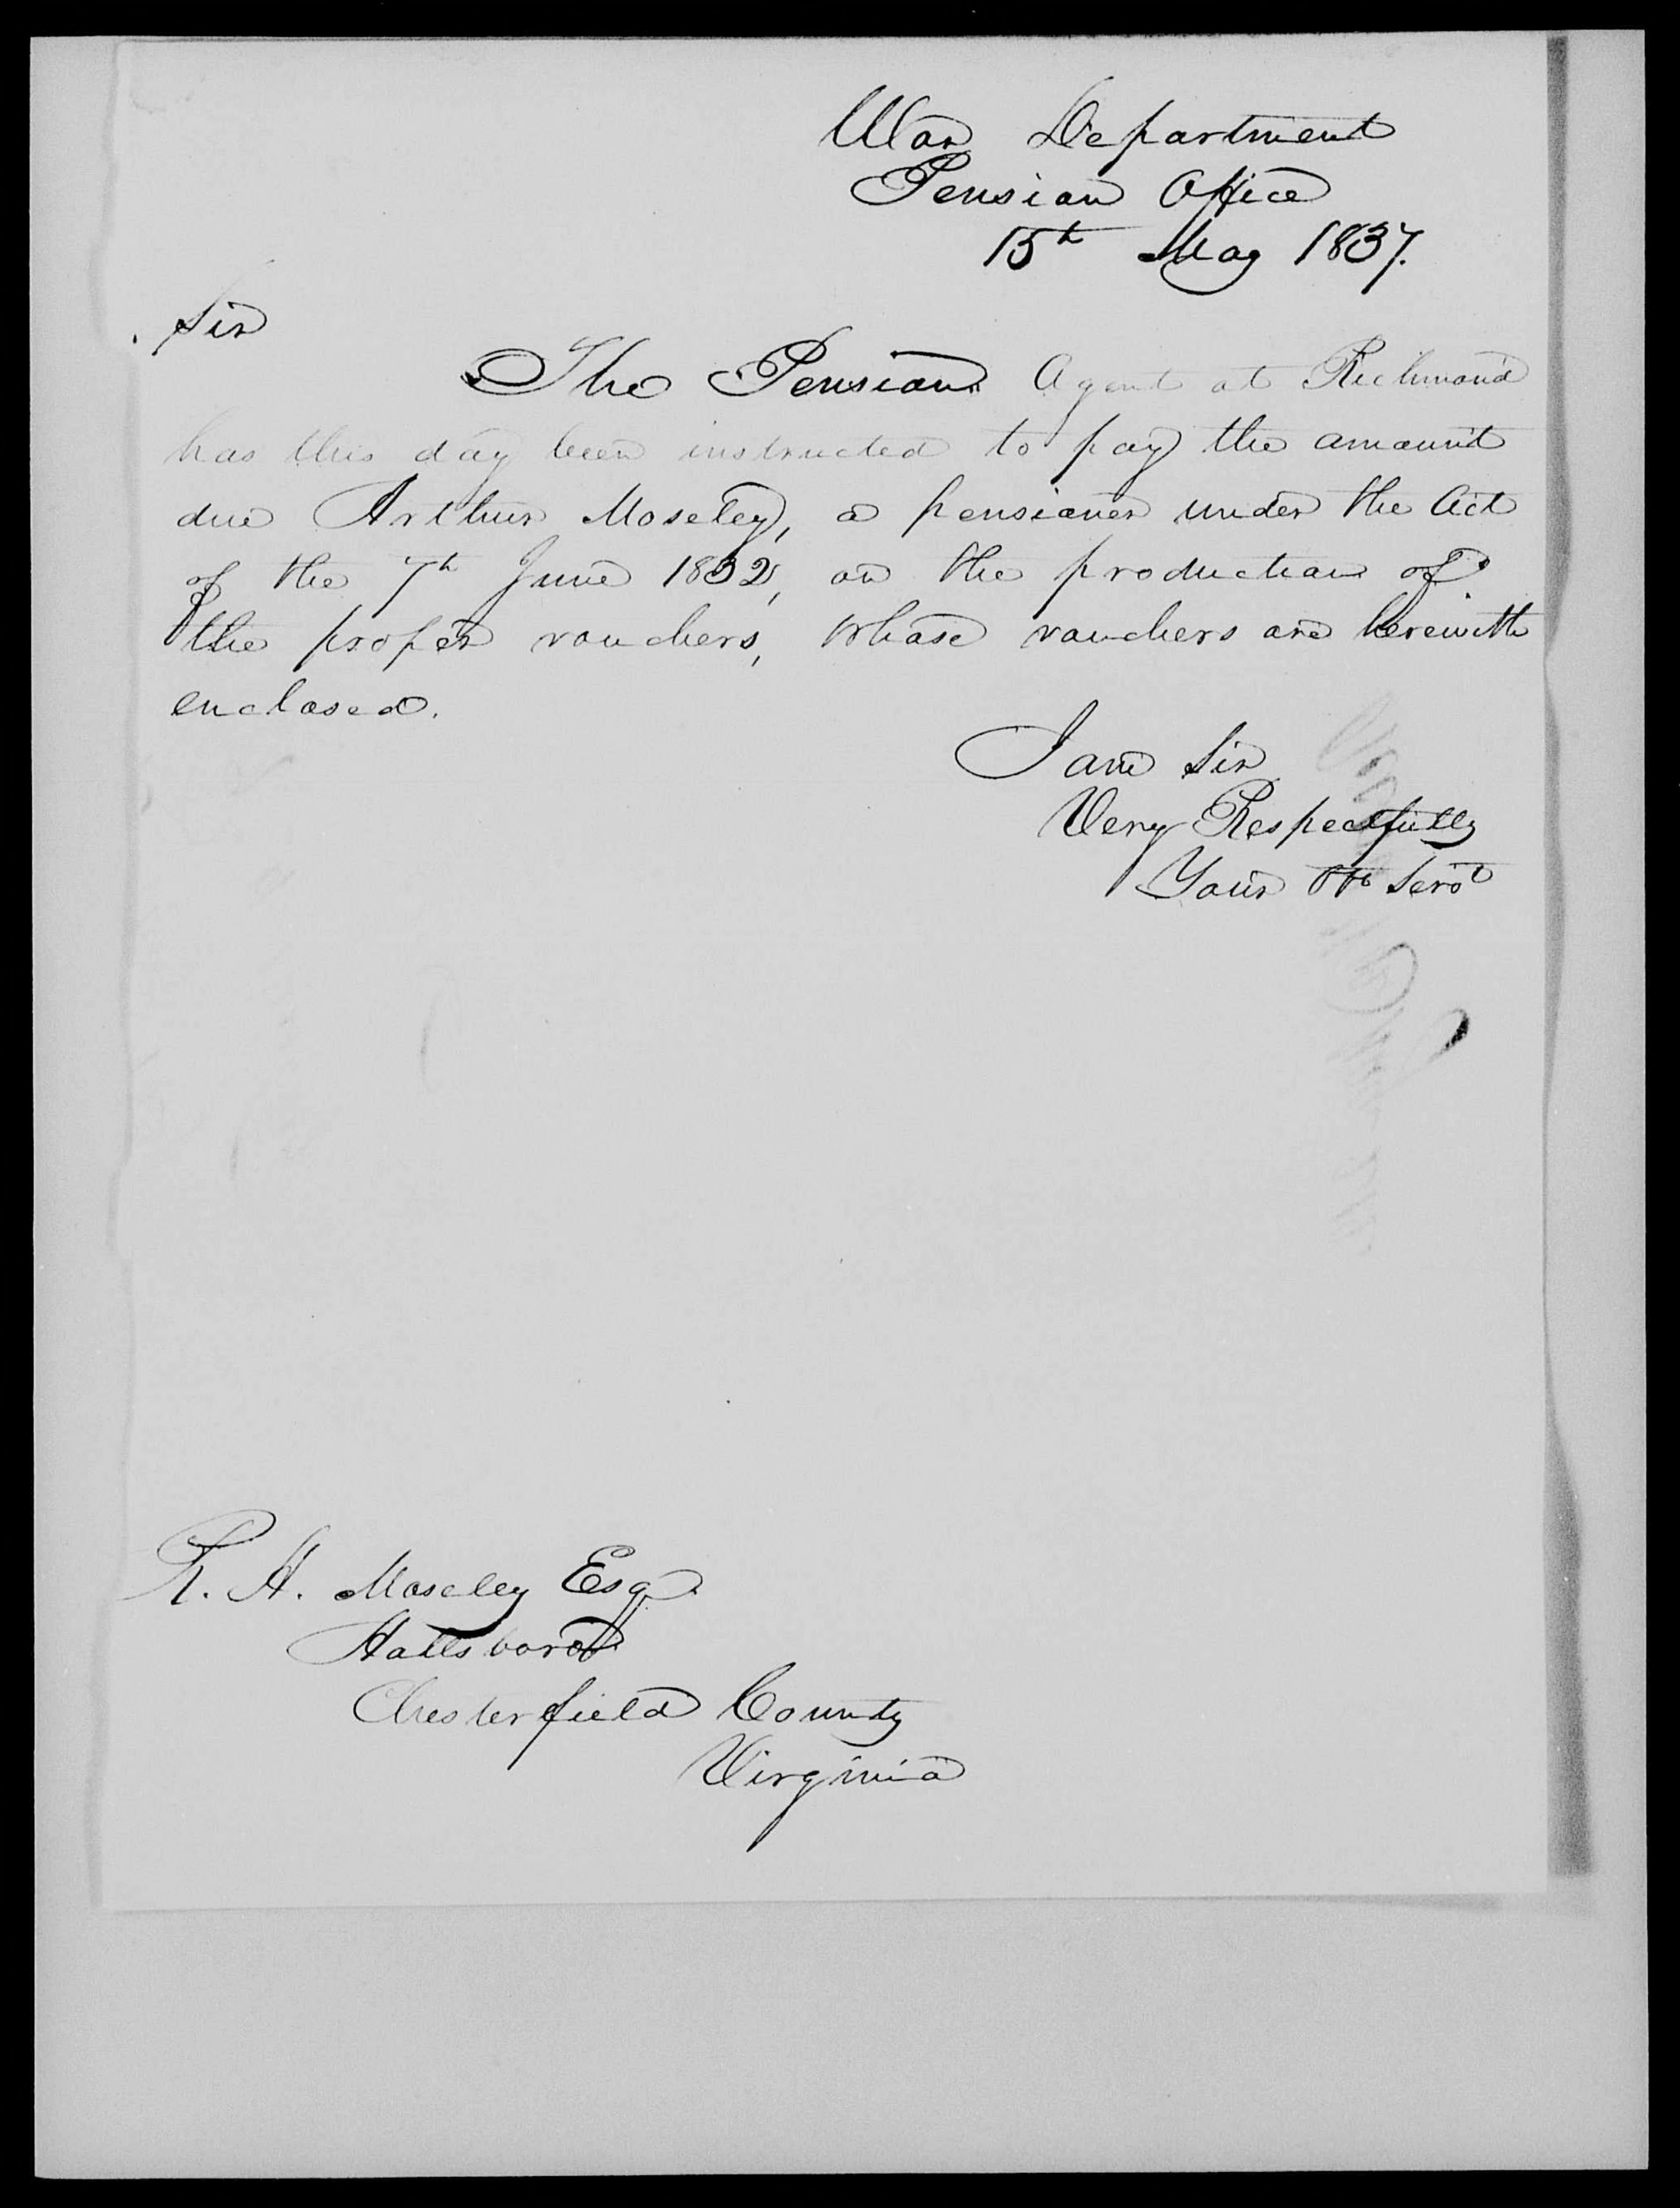War Department
Pension Office
15th May 1837.

Sir

The Pension Agent at Richmond has this day been instructed to pay the amount due Arthur Moseley, a pensioner under the act of the 7th June 1832, on the production of the proper vouchers, whose vouchers are herewith enclosed.  

I am Sir
Very Respectfully 
Your [illegible] Servt.

R.H. Moseley Esq
Hallsboro
Chesterfield County
Virginia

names: R H Maseley; Arthur Moseley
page: 15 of 21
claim: survivor's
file: S. 7240, for Arthur Moseley, Virginia